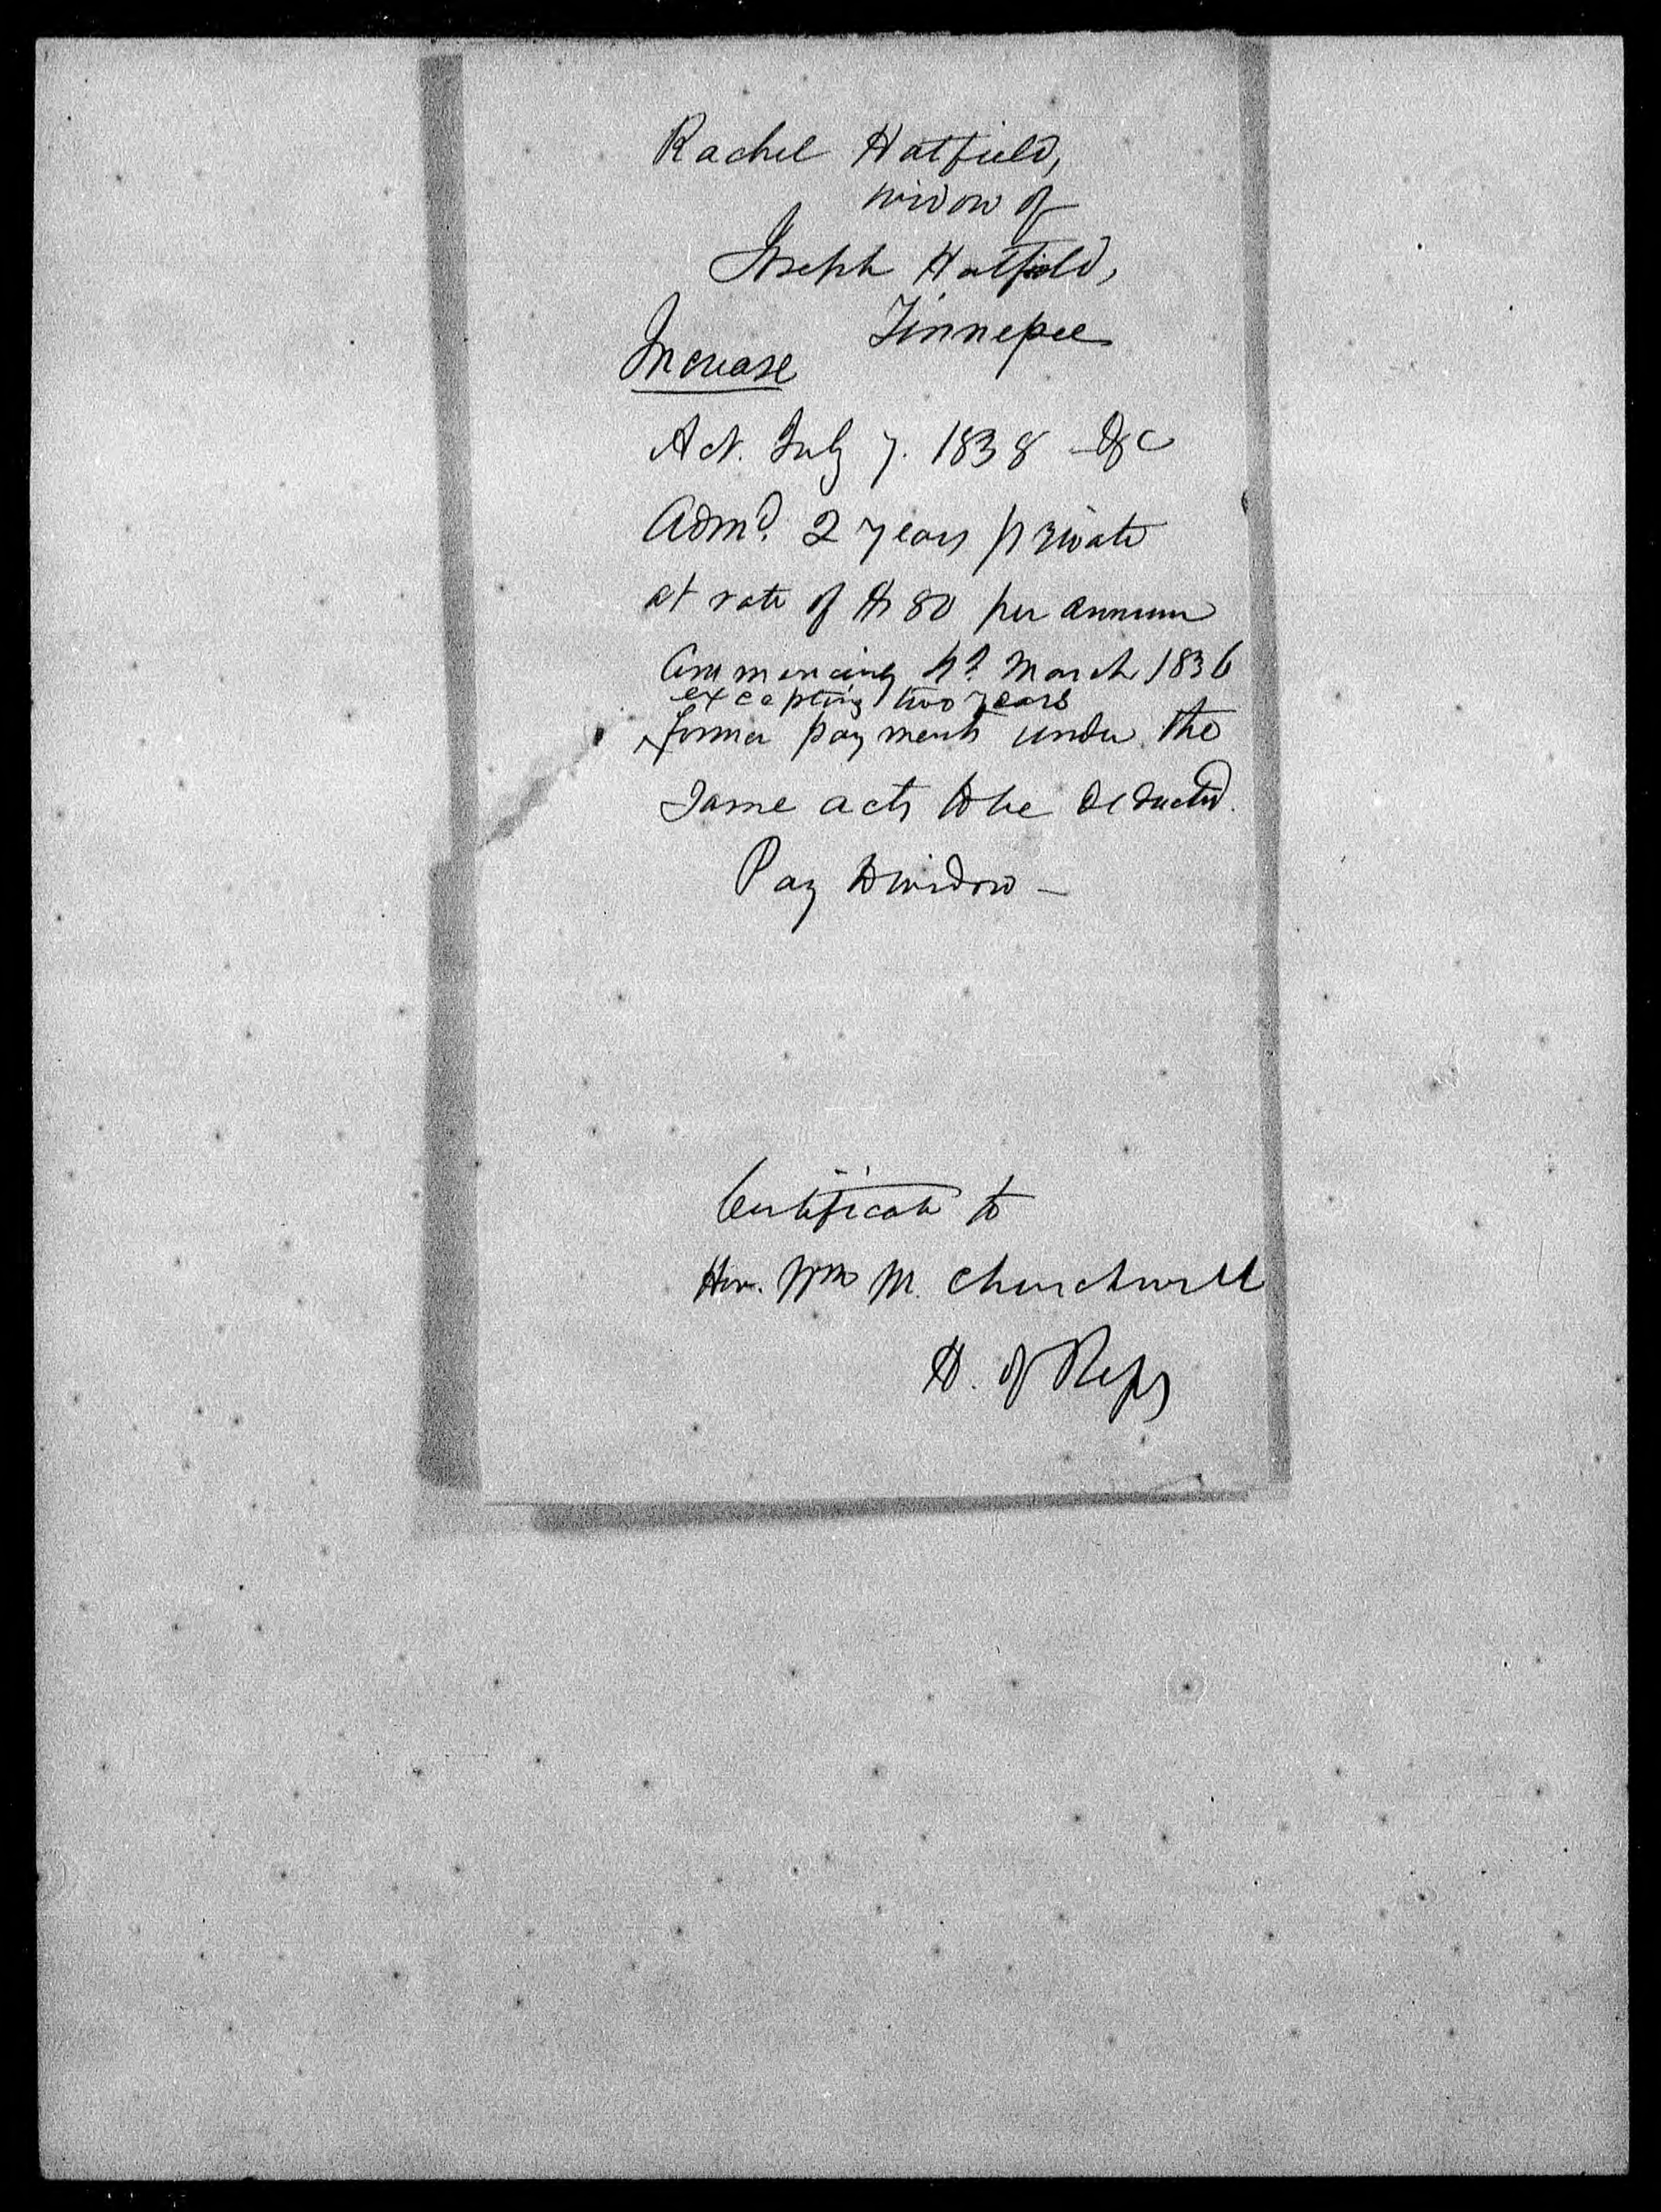Rachel Hatfield,
widow of
Joseph Hatfield,
Tennessee
Increase
Act. July 7, 1838 - &c
Admd. 2 years private
at rate of $80 per annum
Commencing 4th March 1836
excepting two years
former payments under the
same acts to be deducted
Pay to widow- 

Certificate to
Hon. Wm. M Churchwell
H of Reps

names: Joseph Hatfield, Rachel Hatfield, Wm M Churchwell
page: 47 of 74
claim: widow's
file: W. 5, Joseph Hatfield, Va.